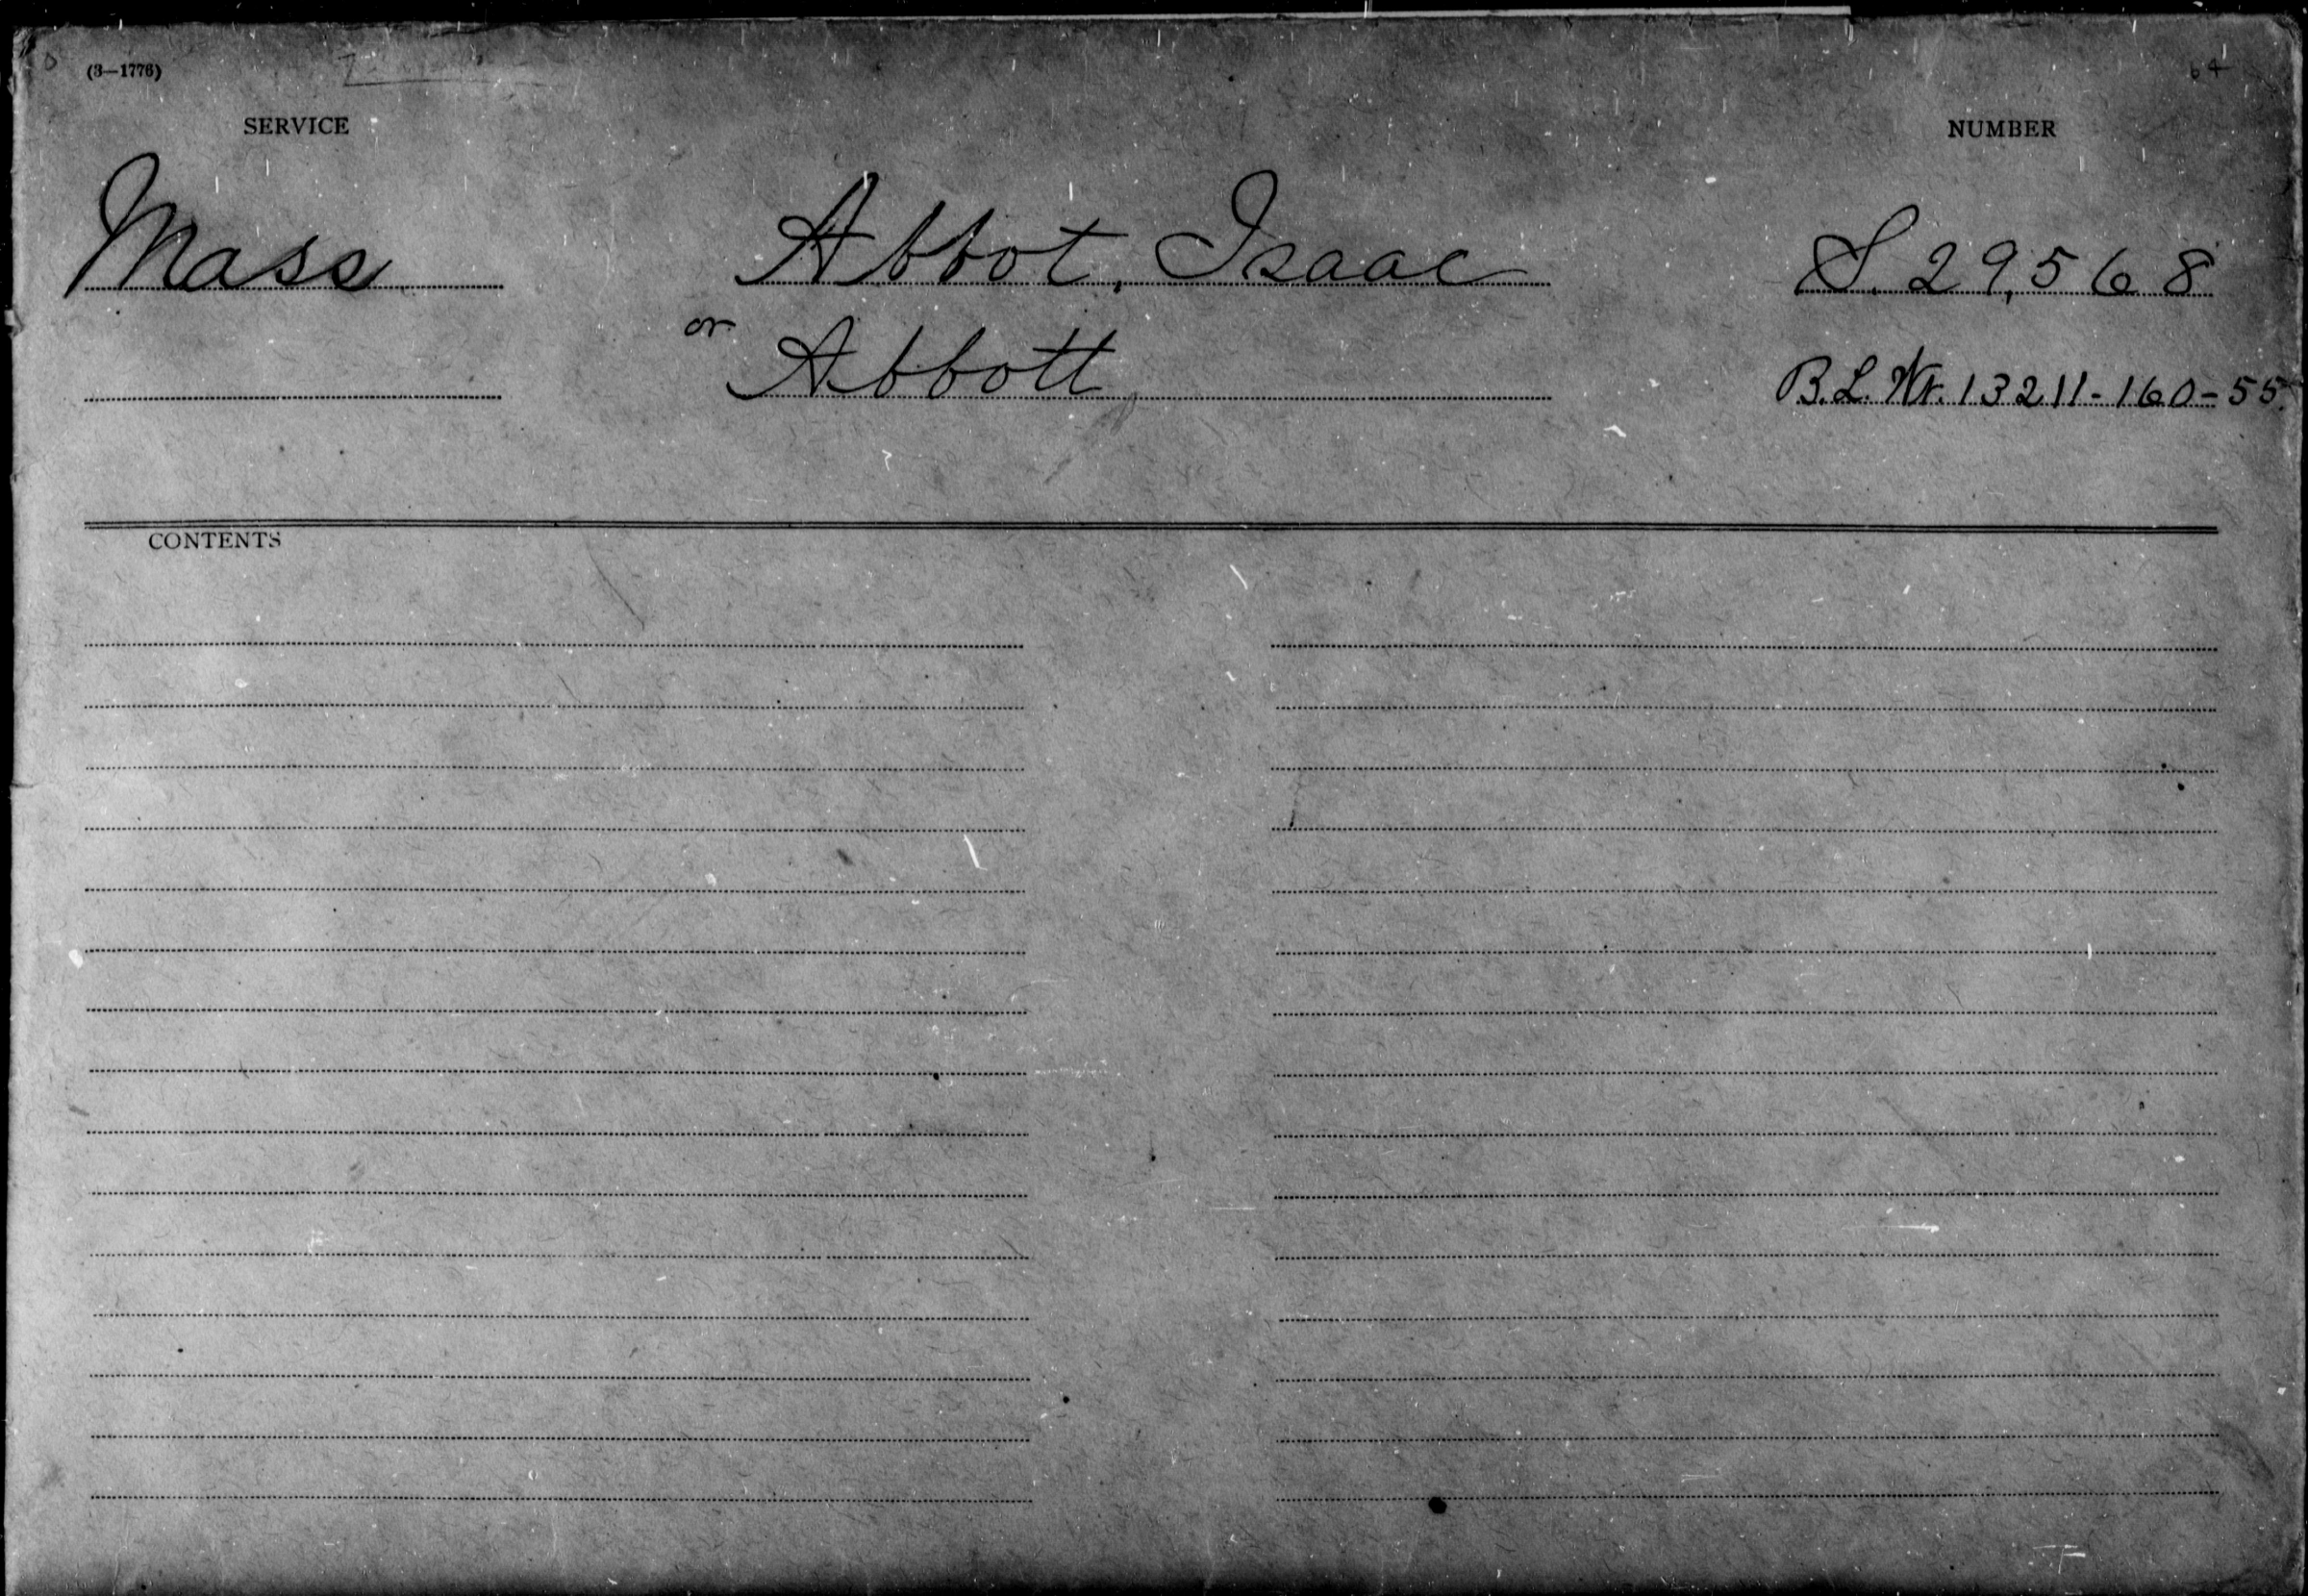Mass            Abbot, Isaac       S. 29,568
                   or Abbott               B.L. Wt. 13211-160-55.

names: Isaac Abbott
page: 1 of 86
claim: survivor's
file: S 29,568, Isaac Abbot, Mass